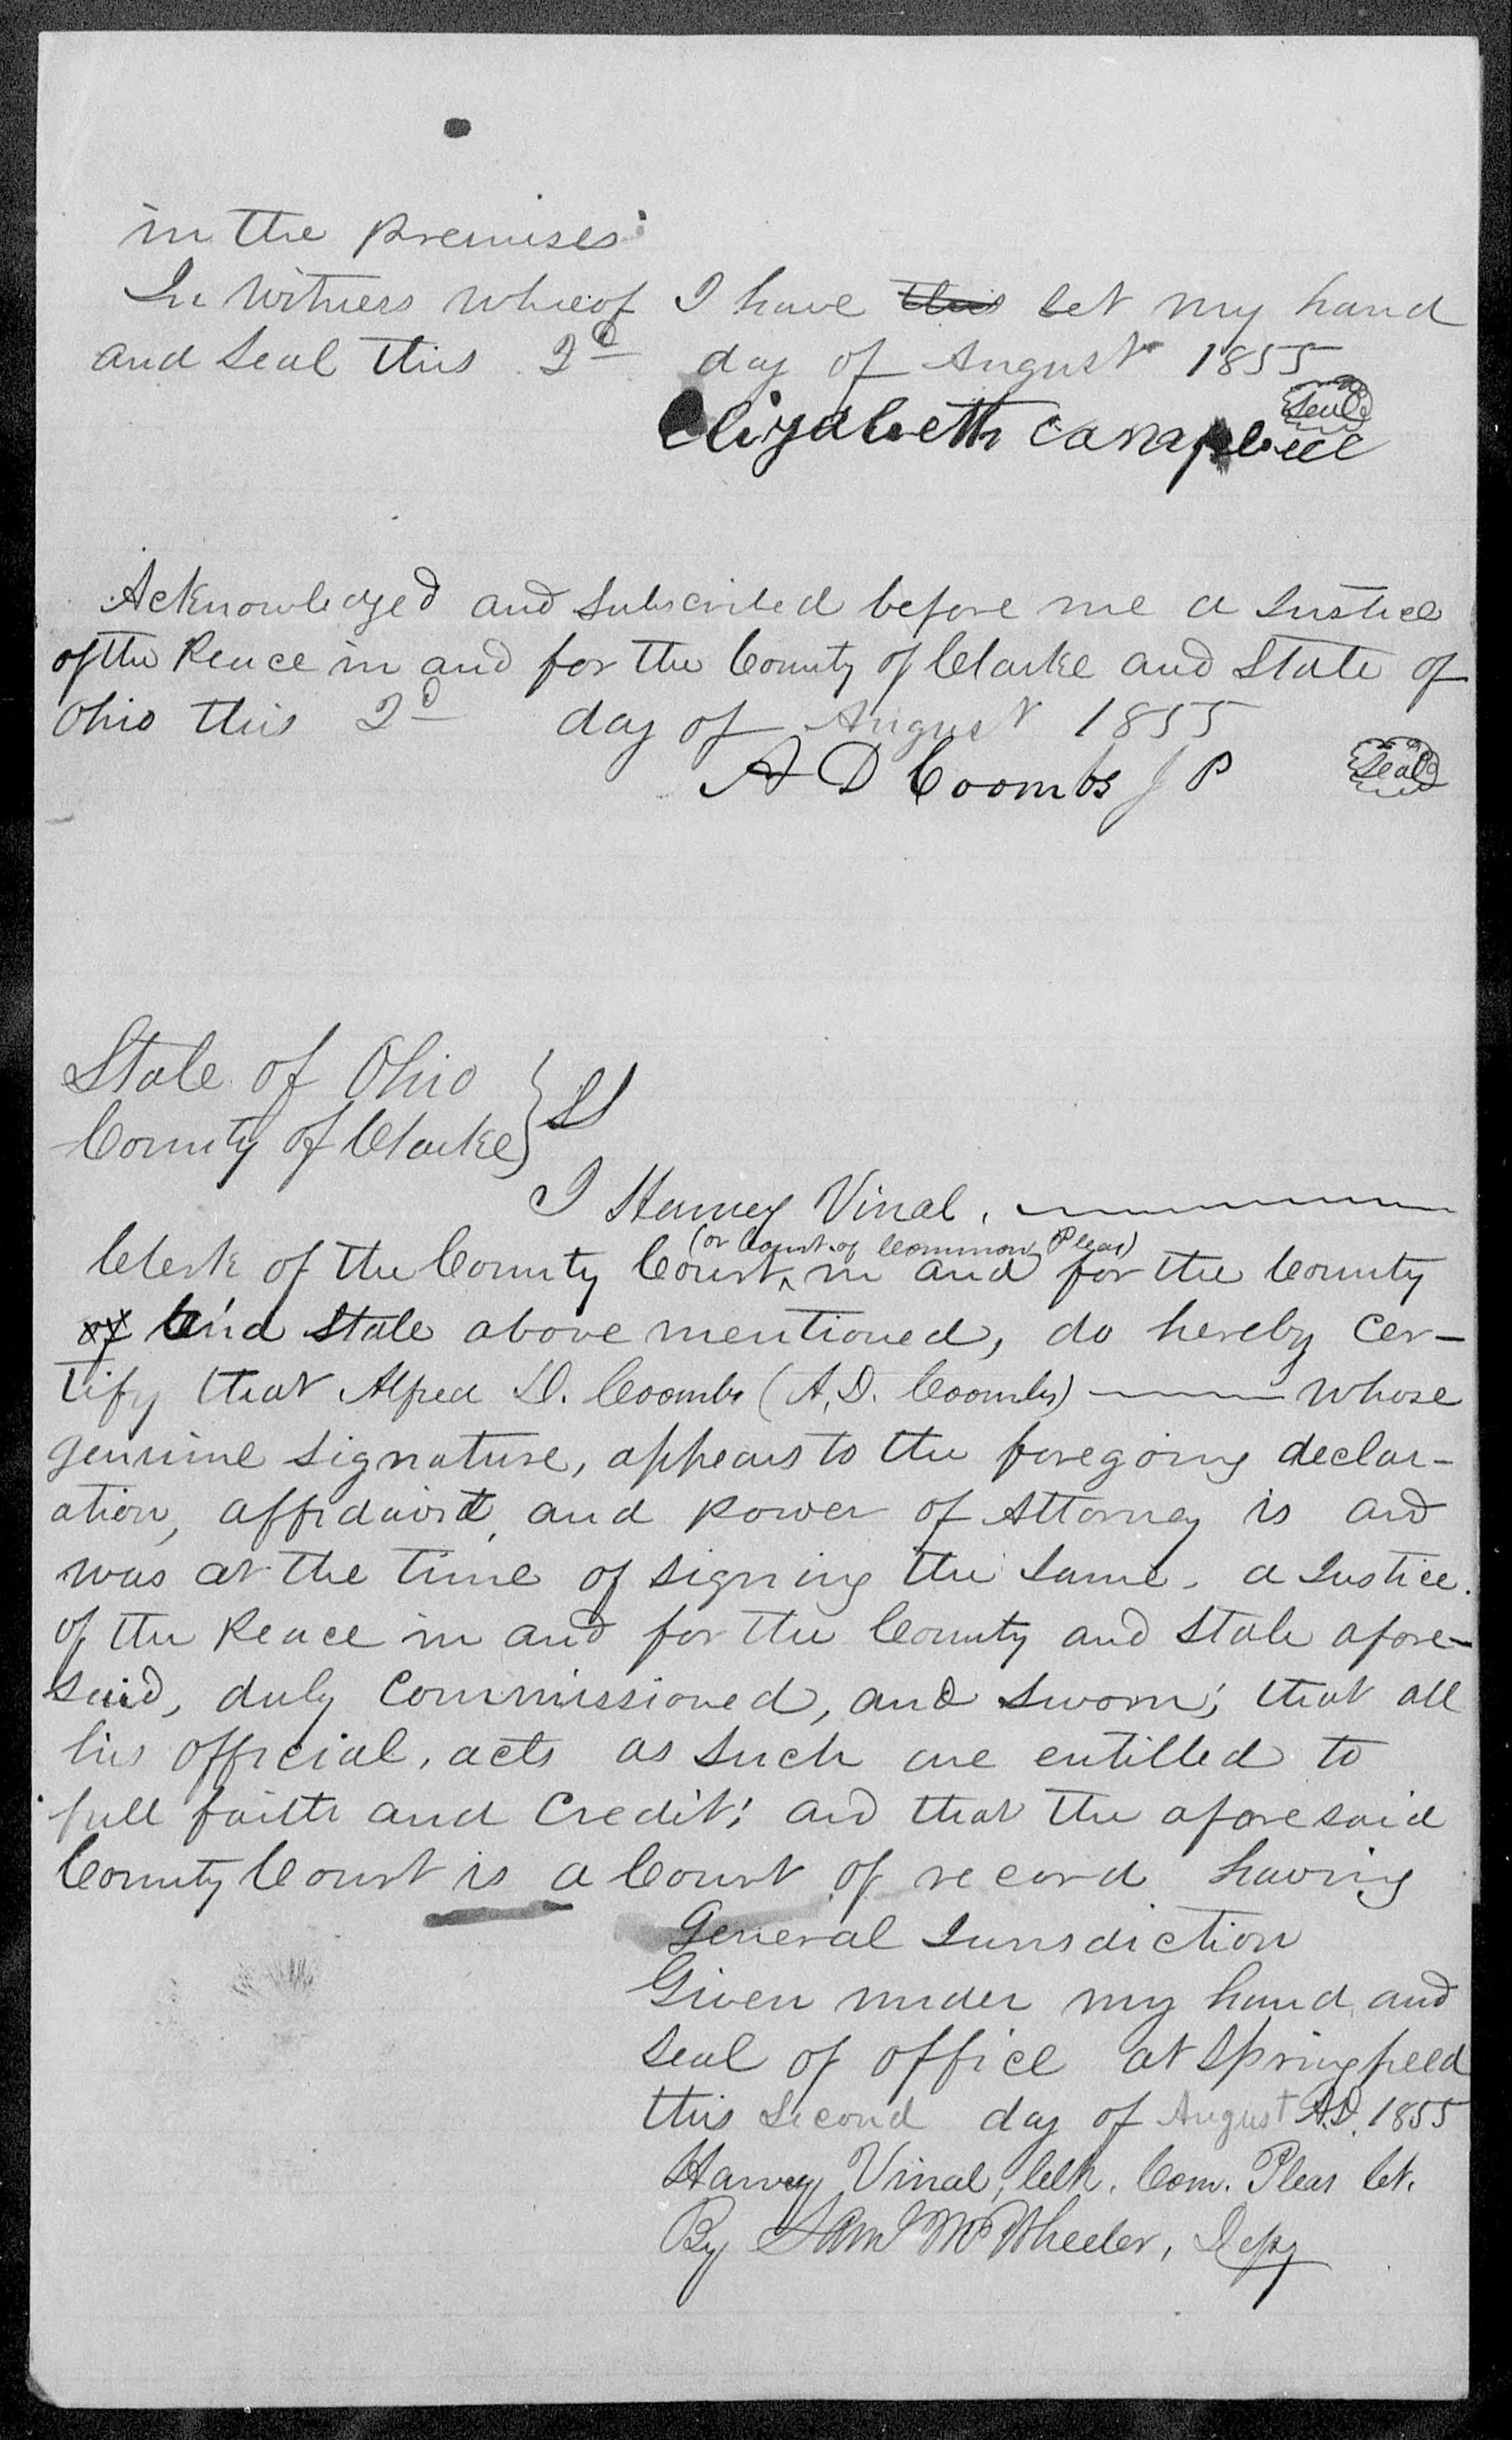in the premises.
In witness whereof I have (this crossed out) set my hand and seal this 2d day of August 1855
Elizabeth Campbell  Seal (circled)
Acknowledged and Subscribed before me a Justice of the Peace in and for the County of Clarke and State of Ohio this 2d day of August 1855
A D Coombs J P  Seal (circled)
State of Ohio
County of Clarke} SS
I Harvey Vinal, ---- Clerk of the County Court ^(or Court of Common Pleas) in and for the County (of crossed out) and State above mentioned, do hereby certify that Alfred D. Coombs (A. D. Coombs)  -- whose genuine Signature, appears to the foregoing declaration, affidavit, and power of Attorney is and was at the time of signing the same, a Justice of the Peace in and for the County and State aforesaid, duly Commissioned, and Sworn; that all his official acts as Such are entitled to full faith and credit;: and that the aforesaid County Court is a Court of record having General Jurisdiction
Given under my hand and seal of office at Springfield this Second day of August A.D. 1855 
Harvey Vinal, Clk. Com. Pleas Ct.
By Saml M Wheeler, Depy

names: A D Coombs, Alfred D Coombs, Harvey Vinal, Harvey Vinal, Saml Mc Wheeler, A D Coombs, Elizabeth Campbell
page: 14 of 47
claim: widow's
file: W. 25384, James Campbell, Va.